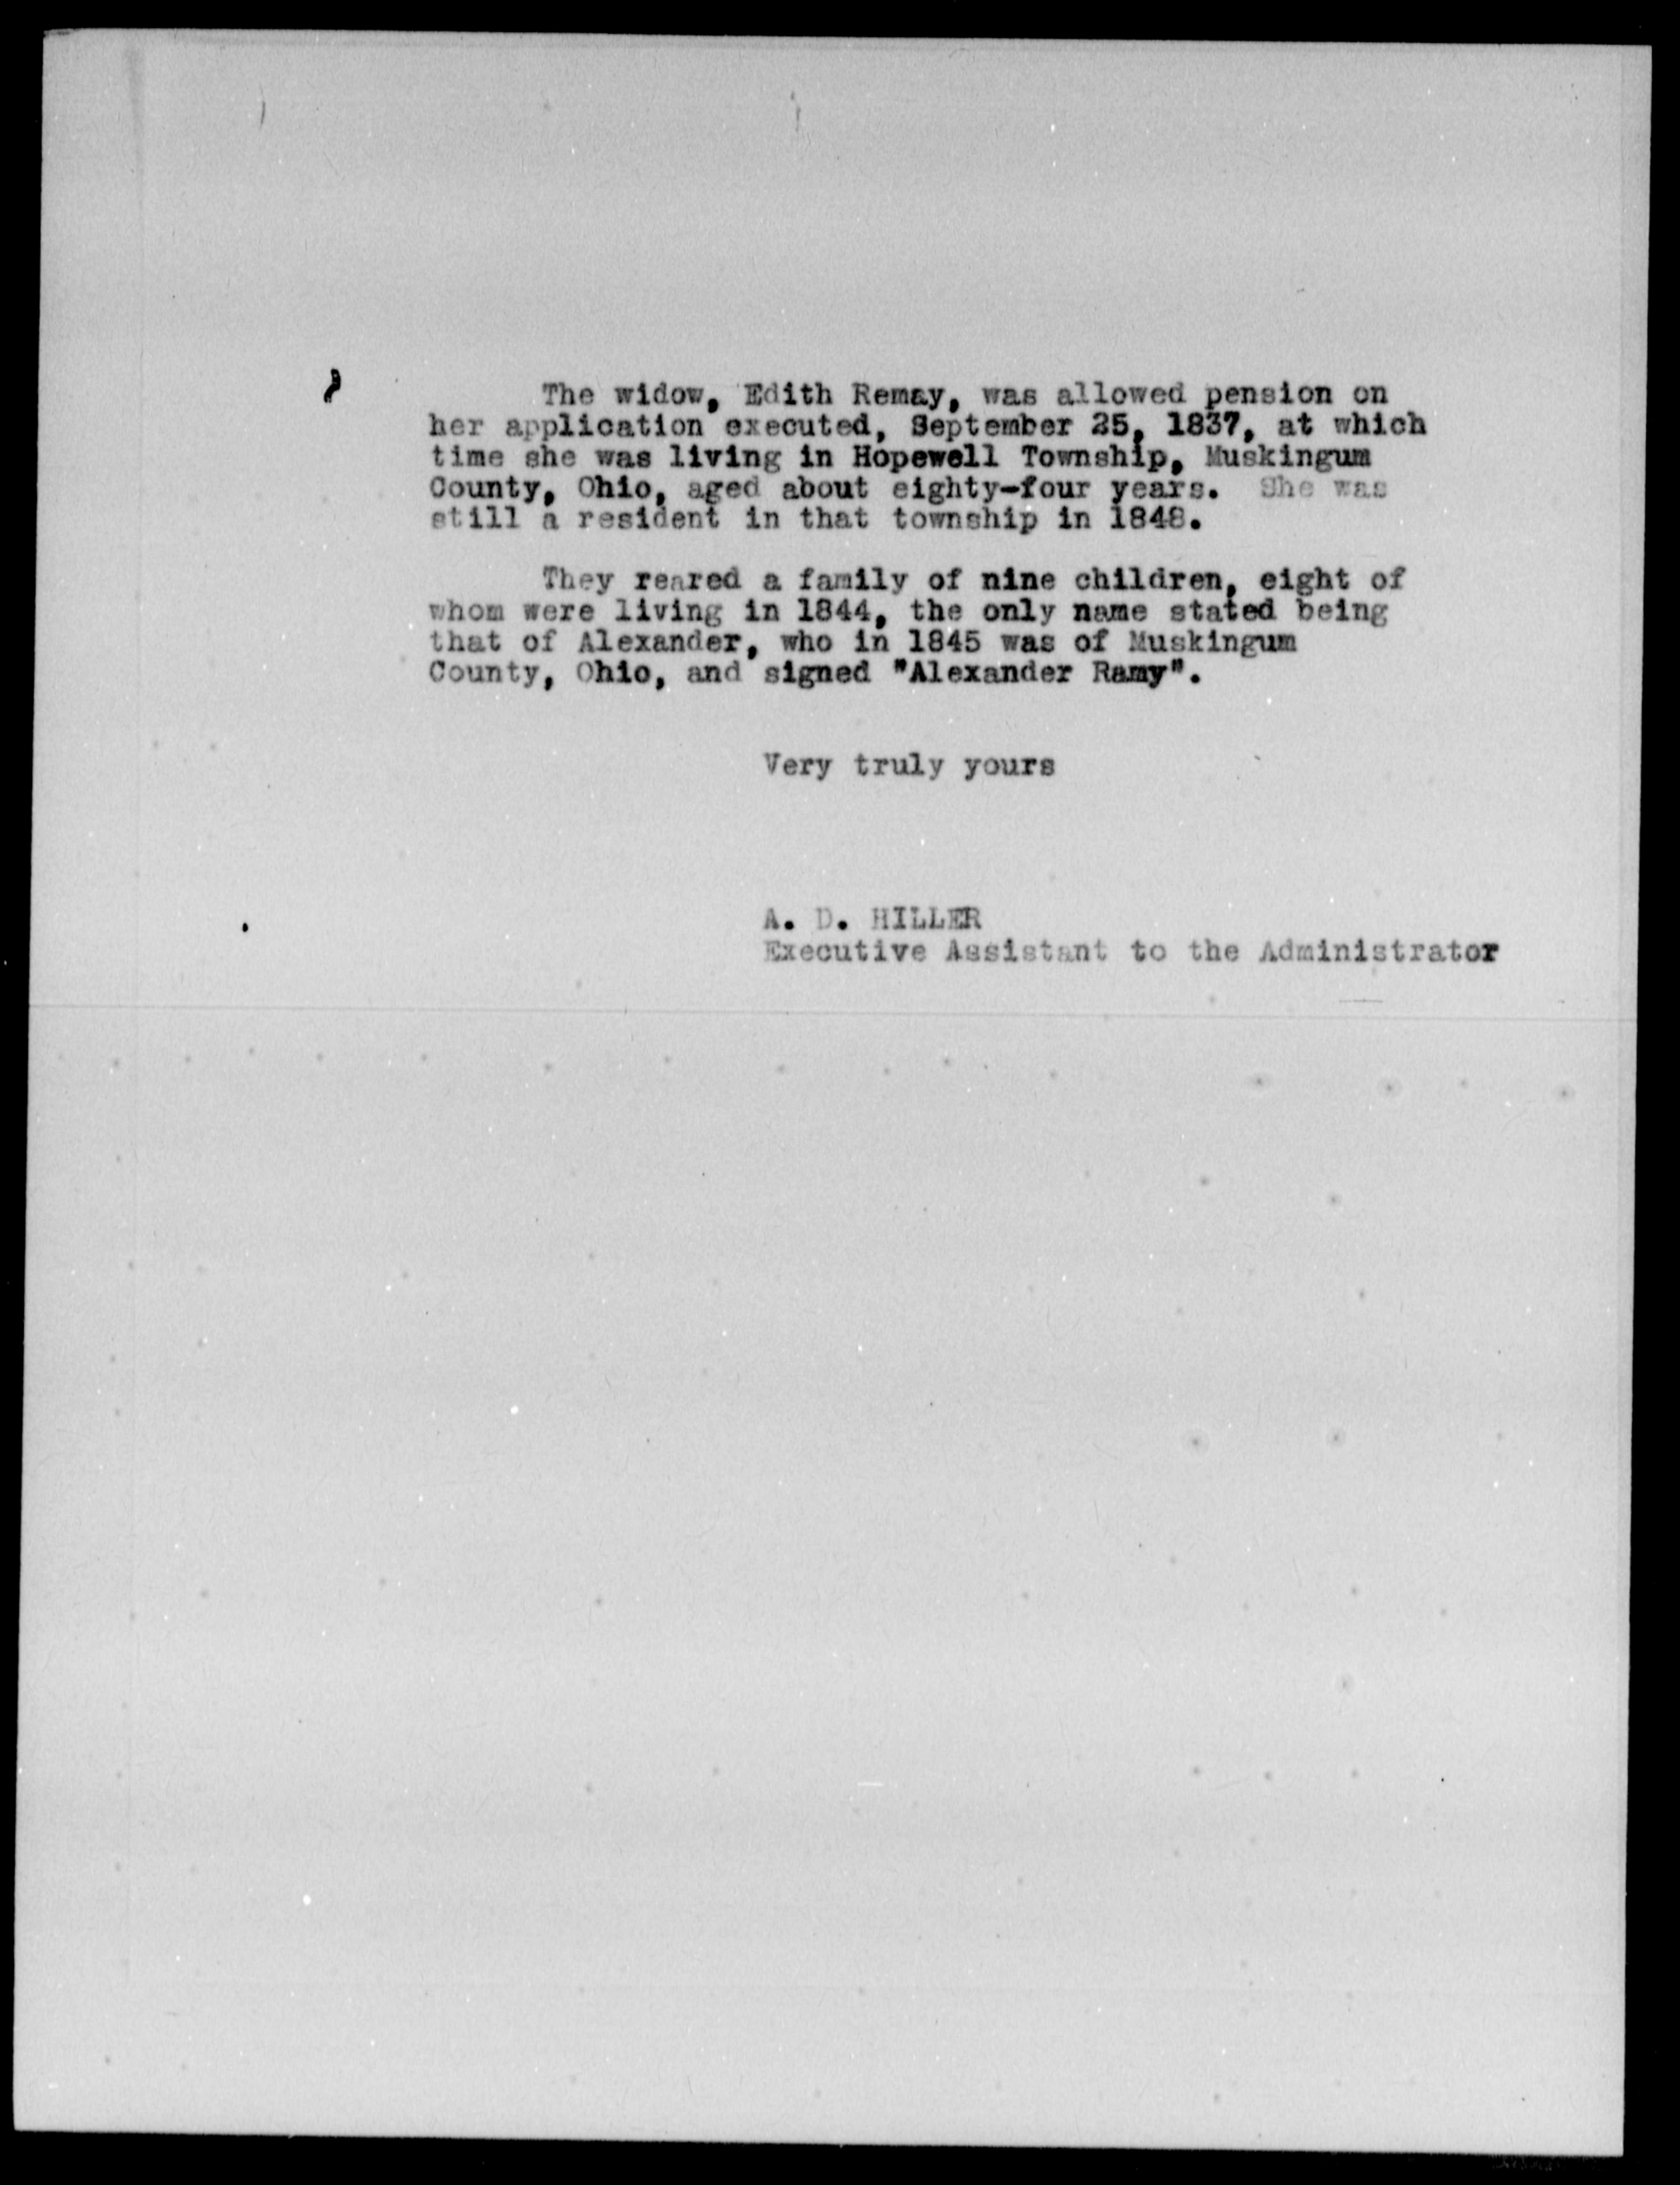The widow, Edith Remay, was allowed pension on her application executed, September 25, 1837m at which time she was living in Hopewell Township, Muskingum County, Ohio, aged abut eighty-four years. She was still a resident in that township in 1846.

They reared a family of nine children, eight of whom were living in in 1844, the only name stated being that of Alexander, who in 1845 was of Muskingum County, Ohio, and signed "Alexander Ramy".

Very truly yours

A.D. Hiller
Executive assistant to the Administrator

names: Edith Remay; Alexander Ramy; A D Hiller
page: 15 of 84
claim: widow's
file: W.11104, for John Remay, Virginia